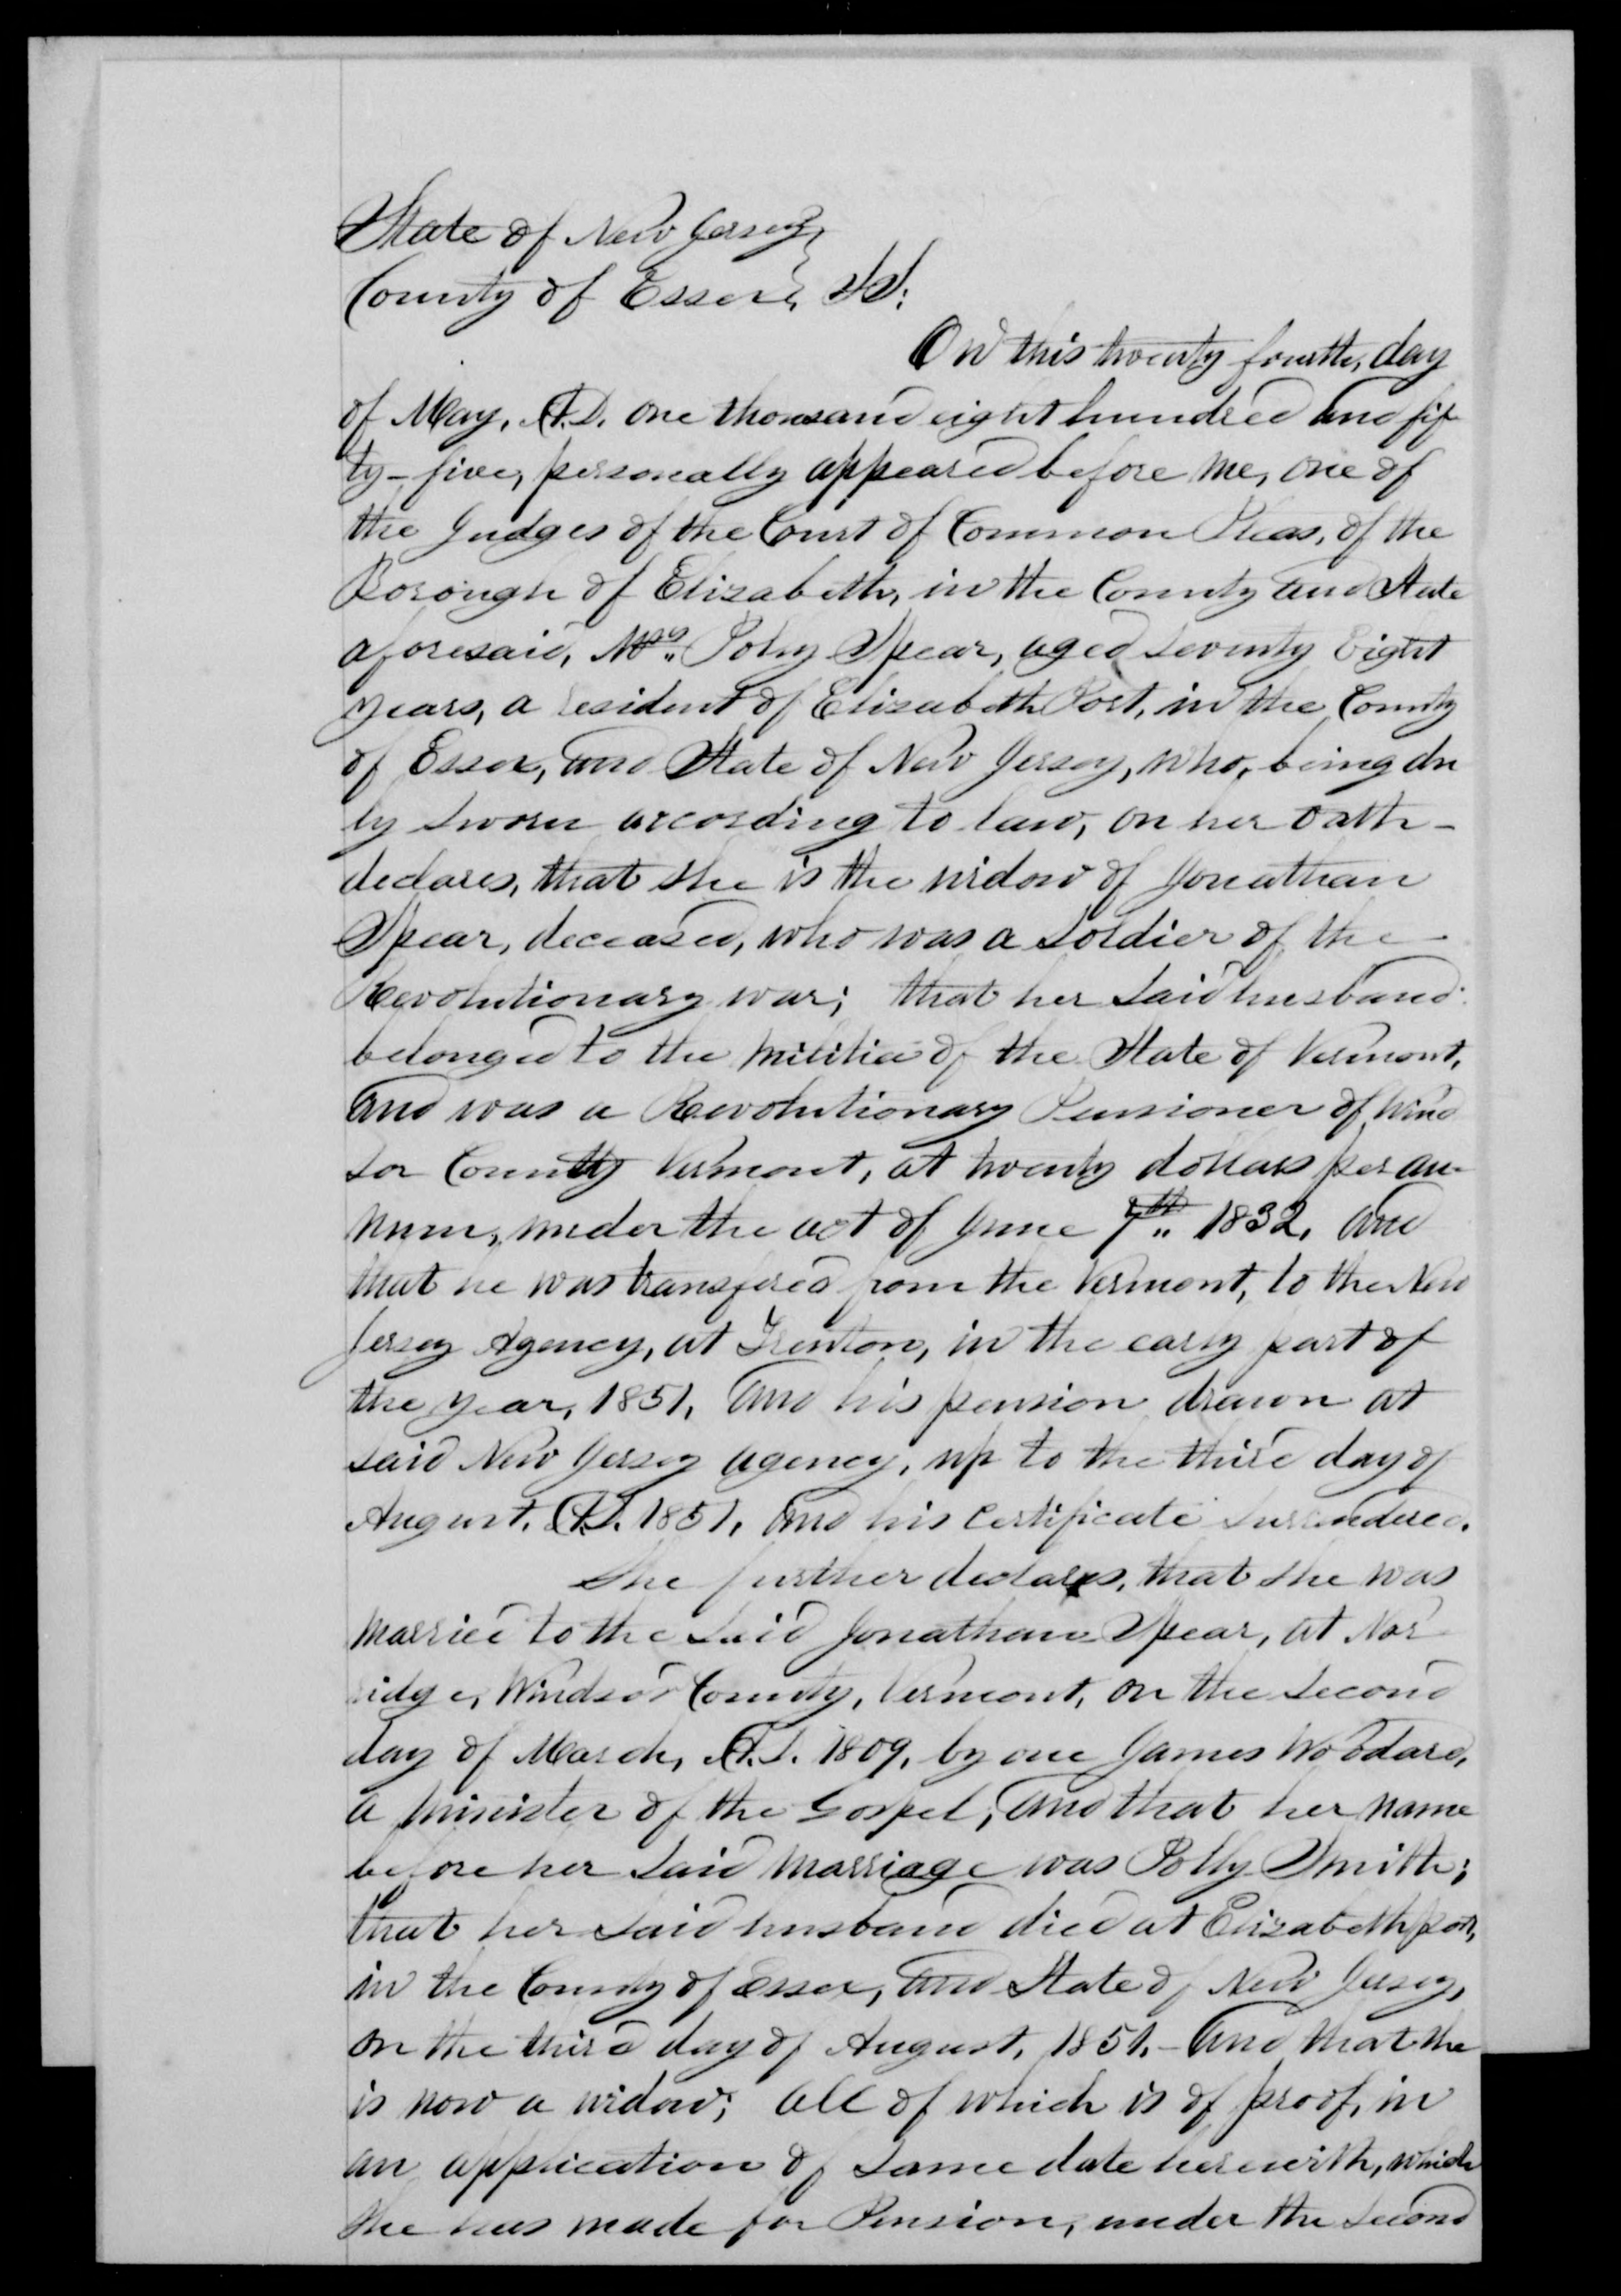State of New Jersey
County of Essex } ss:
On this twenty fourth day of May, A.D. one thousand eight hundred and fifty-five, personally appeared before me, one of the Judges of the Court of Common Pleas, of the Borough of Elizabeth, in the County and State aforesaid, Mrs. Polly Spear, aged Seventy Eight years, a resident of Elizabeth Port, in the County of the Essex, and State of New Jersey, who, being duly sworn according to law, on her oath - declares, that she is the widow of Jonathan Spear, deceased, who was a Soldier of the Revolutionary war; that her said husband belonged to the militia of the State of Vermont, and was a Revolutionary Pensioner of Windsor County Vermont, at twenty dollars per annum, under the act of June 7the 1832, and that he was transfered from the Vermont, to the New Jersey Agency, at Trenton, in the early part of the year, 1851, and his pension drawn at said New Jersey Agency, up to the third day of August A.D. 1851, and his certificate surrendered.
She further declares, that she was married to the said Jonathan Spear, at Norridge (Norwich), Windsor County, Vermont, on the second day of March, A.D. 1809, by one James Woodard, a minister of the Gospel, and that her name before her said marriage was Polly Smith; that her said husband died at Elizabethport, in the County of Essex, and State of New Jersey, on the third day of August, 1851. - and that she is now a widow; all of which is of proof, in an application of same date herewith, which she has made for Pension, under the Second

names: Jonathan Spear; Polly Smith; John Spear; James Woodard; Jonathan Spear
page: 9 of 65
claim: widow's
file: W. 7197, for Jonathan Spear, Vermont